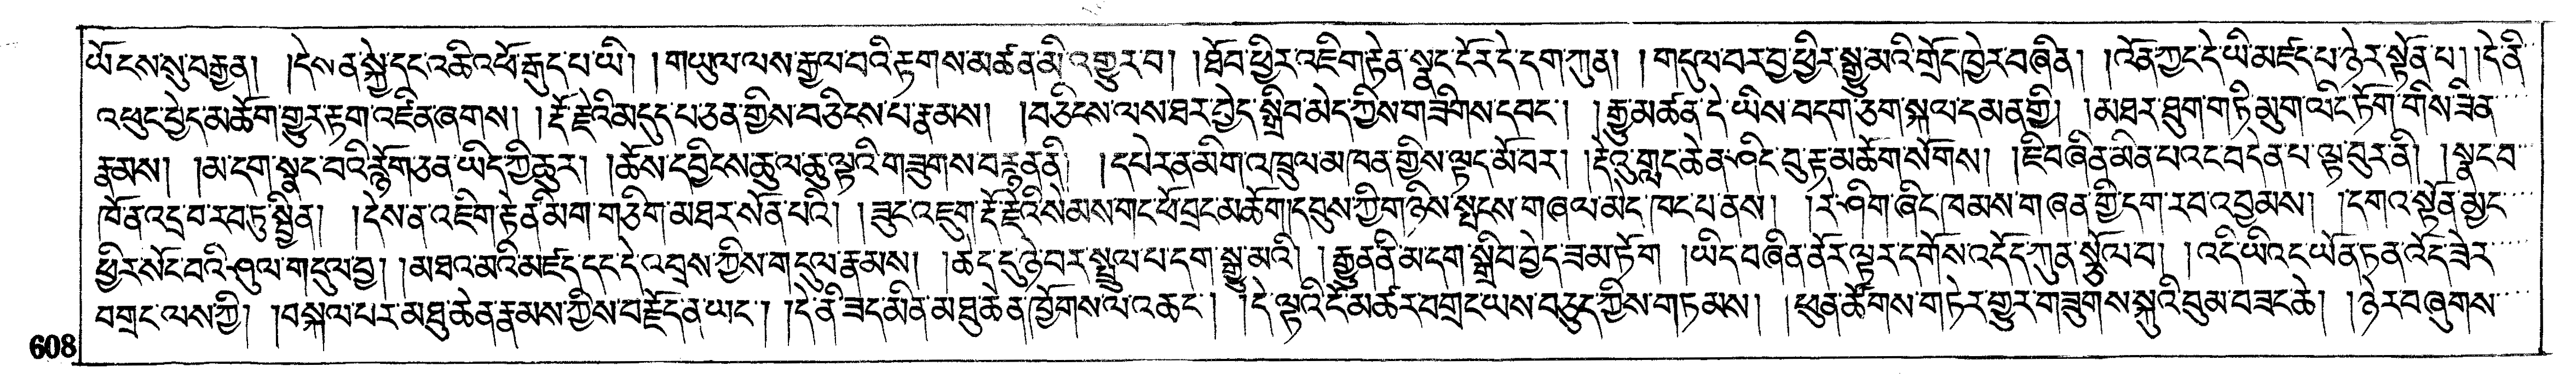ཡོངས་སུ་བརྒྱན། །དེས་ན་སྐྱེ་དང་འཆི་འཕོ་རྒུད་པ་ཡི། །གཡུལ་ལས་རྒྱལ་པའི་རྟགས་མཚན་མི་འགྱུར་པ། །ཐོབ་ཕྱིར་འཇིག་རྟེན་སྣང་ངོར་དེ་དག་ཀུན། །གདུལ་བར་བྱ་ཕྱིར་སྒྱུ་མའི་གྲོང་ཁྱེར་བཞིན། །འོན་ཀྱང་དེ་ཡི་མཛད་པ་ཉེར་སྟོན་པ། །དེ་ནི་
འཕུང་བྱེད་མཆོག་གྱུར་རྟག་འཛིན་ཞགས། །རྡོ་རྗེའི་མདུད་པ་ཅན་གྱིས་བཅིངས་པ་རྣམས། །བཅིངས་ལས་ཐར་བྱེད་སྒྲིབ་མེད་ཀྱིས་གཟིགས་དབང་། །རྒྱུ་མཚན་དེ་ཡིས་བདག་ཅག་སྐལ་དམན་གྱི། །མཐར་ཐུག་གཏི་མུག་ལིང་ཏོག་གིས་ཟིན་
རྣམས། །མ་དག་སྣང་བའི་རྙོག་ཅན་ཡིད་ཀྱི་ཆུར། །ཆོས་དབྱིངས་ཆུལ་ཆུ་ལྟའི་གཟུགས་བརྙན་ནི། །དཔེར་ན་མིག་འཁྲུལ་མཁན་གྱིས་ལྟད་མོ་བར། །རྡེའུ་གླང་ཆེན་ཤིང་བུ་རྟ་མཆོག་སོགས། །ཇི་བཞིན་མིན་པའང་བདེན་པ་ལྟ་བུར་ནི། །སྣང་བ་
ཁོ་ན་འདྲ་བ་རབ་ཏུ་སྦྱིན། །དེས་ན་འཇིག་རྟེན་མིག་གཅིག་མཐར་སོན་པའི། །ཟུང་འཇུག་རྡོ་རྗེའི་སེམས་གང་ཕོ་བྲང་མཆོག། དབུས་ཀྱི་གཉིས་སྤངས་གཞལ་མེད་ཁང་པ་ནས། །རེ་ཤིག་ཞིང་ཁམས་གཞན་གྱི་དག་རབ་འབྱམས། །དགའ་སྟོན་མྱང་
ཕྱིར་སོང་བའི་ཤུལ་གདུལ་བྱ། །མཐའ་མའི་མཛད་དང་དེ་འབྲས་ཀྱིས་གདུལ་རྣམས། །ཆེད་དུ་ཉེ་པར་སྤྲུལ་པ་དག་སྒྱུ་མའི། །རྒྱུན་ནི་མ་དག་སྒྲིབ་བྱེད་ཟམ་ཏོག །ཡིད་བཞིན་ནོར་ལྟར་དགོས་འདོད་ཀུན་སྩོལ་བ། །འདི་ཡིའང་ཡོན་ཏན་འོད་ཟེར་
བགྲང་ཡས་ཀྱི། །བསྐལ་པར་མཐུ་ཆེན་རྣམས་ཀྱིས་བརྗོད་ན་ཡང་། །དེ་ནི་ཟད་མིན་མཐུ་ཆེན་ཁྱོགས་ལ་འཆང་། །དེ་ལྟའི་ངོ་མཚར་བགྲང་ཡས་བཅུད་ཀྱིས་གཏམས། །ཕུན་ཚོགས་གཏེར་གྱུར་གཟུགས་སྐུའི་བུམ་བཟང་ཆེ། །ཉེར་བཞུགས་